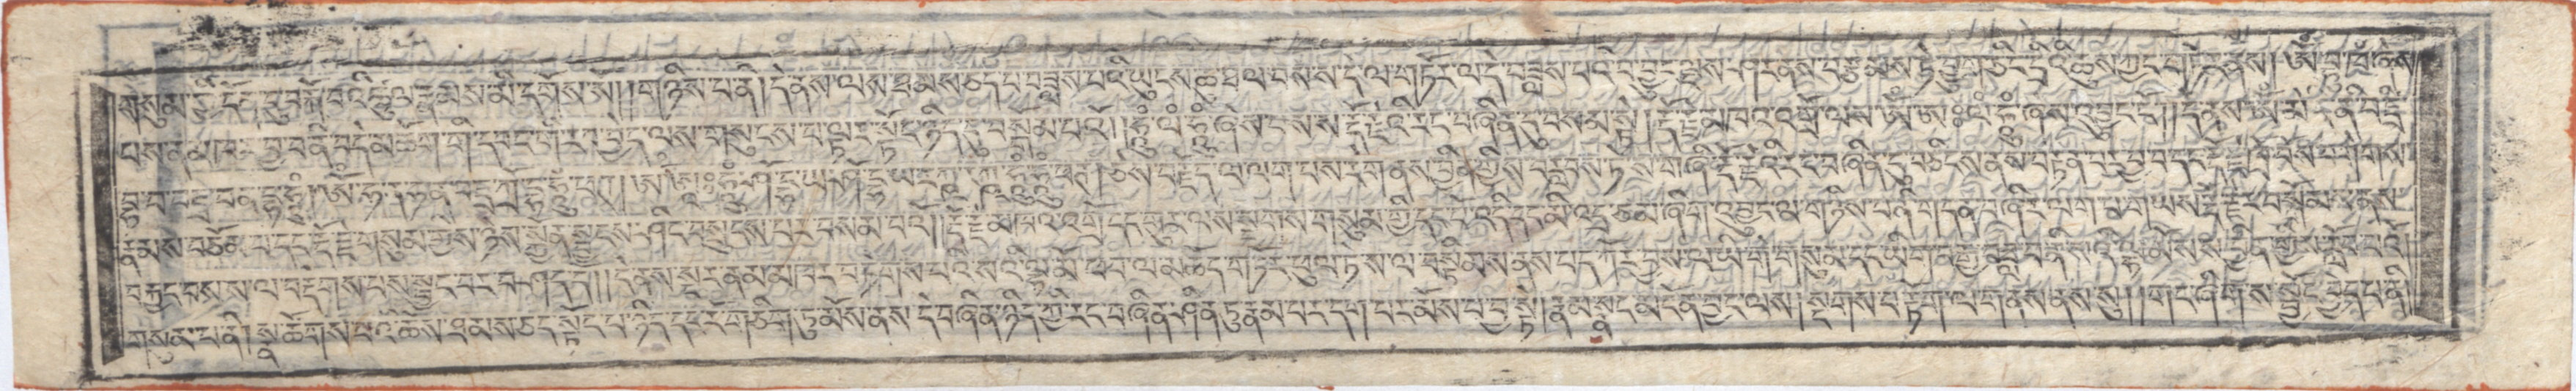གསུམ་གྱི་དོན་དུ་བརྐོ་བའི་ཚུལ་རྣམས་མི་དགོས་སོ། །གཉིས་པ་ནི། དེ་ནས་ལས་ཐམས་ཅད་པ་བཟླས་པའི་ཡུངས་ཆུ་ཐལ་བས་ས་དེ་ལ་གཏོར་ལ་དེ་བཟླས་པའི་བ་བྱུང་ལྔས་ཤར་ནས་བརྩམས་ཏེ་བྱུག་ཅིང་དྲིའི་ཆུས་ཀྱང་གཏེར་ནས། ཨོཾ་བྷུ་ཁཾ་ཞེས་
པས་ནམ་མཁར་བྱ་བ་ནི་བདེ་མཆོག་གི་དབང་གི་རབ་བྱེད་ལས་གསུངས་པ་ལྟར་སྟོང་ཉིད་དུ་བསྒོམ་པའོ། །ཧཱུཾ་ལཾ་ཧཱུཾ་ཞེས་པས་ས་རྡོ་རྗེའི་རང་བཞིན་དུ་བསམ་སྟེ། རྡོ་རྗེ་མཁའ་འགྲོ་ལས་ཨོཾ་ཨཱཿ ལཾ་ཧཱུཾ་ཞེས་འབྱུང་ངོ། །དེ་ནས་ཨོཾ་མེ་དི་ནི་བཛྲི་
བྷ་བ་བཛྲ་བ་ན་དྷ་ཧཱུཾ། ཨོཾ་ཧ་ན་ཧ་ན་བཛྲ་ཀྲོ་དྷ་ཧཱུཾ་ཕཊ། ཨོཾ་ཨཱཿ ཧཱུཾ་ཤོ་དྷ་ཡ་ཤོ་དྷ་ཡ་རཀྵ་རཀྵ་ཧཱུཾ་ཧཱུཾ་ཕཊ། ཅེས་བརྗོད་ལ་ལག་པས་རེག་ནས་བྱིན་གྱིས་བརླབས་ཏེ་ས་གཞི་རྡོ་རྗེའི་རང་བཞིན་དུ་བཅིངས་ནས་བརྟན་པར་བྱ་བ་དང་རྡོ་རྗེ་ཁྲོ་བོས་བགེགས་
རྣམས་བཅོམ་པ་དང་རྡོ་རྗེ་གསུམ་གྱིས་ཉེས་སྐྱོན་སྦྱངས་ཤིང་བསྲུངས་པར་བསམ་པའོ། །རྡོ་རྗེ་མཁའ་འགྲོ་དང་གུར་ལས་སྔགས་གསུམ་གྱི་དང་པོ་འདི་དང་མི་འདྲ་ཙམ་ཞིག་འབྱུང་ལ་གཉིས་པ་ནི་གདན་བཞིར་ལག་པ་གཡས་རྡོ་རྗེར་བསྒོམས་ནས་
བརྐྱང་བས་ལ་བརྡེགས་པས་སྦྱང་བར་བཤད་དོ། །དེ་ནས་སྔར་ནམ་མཁར་བཏེགས་པའི་སའི་ལྷ་མོ་ཕབ་ལ་མཆོད་གཏོར་ཕུལ་ཏེ་ས་ལ་བསྟིམས་ནས་པད་ཀོར་བྱས་ལ་ཡི་གེ་གསུམ་དང་ཡིག་བརྒྱ་བཟླ་བ་ནི་སའི་ལྷ་མོས་ས་བྱིན་གྱིས་རློབ་པའོ།
གསུམ་པ་ནི། སྣ་ཚོགས་པའི་ཆོས་ཐམས་ཅད་སྟོང་པ་ཉིད་དང་རོ་གཅིག་ཏུ་མོས་ནས་དེ་བཞིན་ཉིད་ཀྱི་རང་བཞིན་ཤིན་ཏུ་རྣམ་པར་དག་པར་མོས་པ་བྱ་སྟེ། རྣམ་སྣང་མངོན་བྱང་ལས། སྔགས་པ་རྟོག་ལ་གནས་ནས་སུ། །གང་ཞིག་ས་སྦྱོང་བྱེད་པ་ནི།